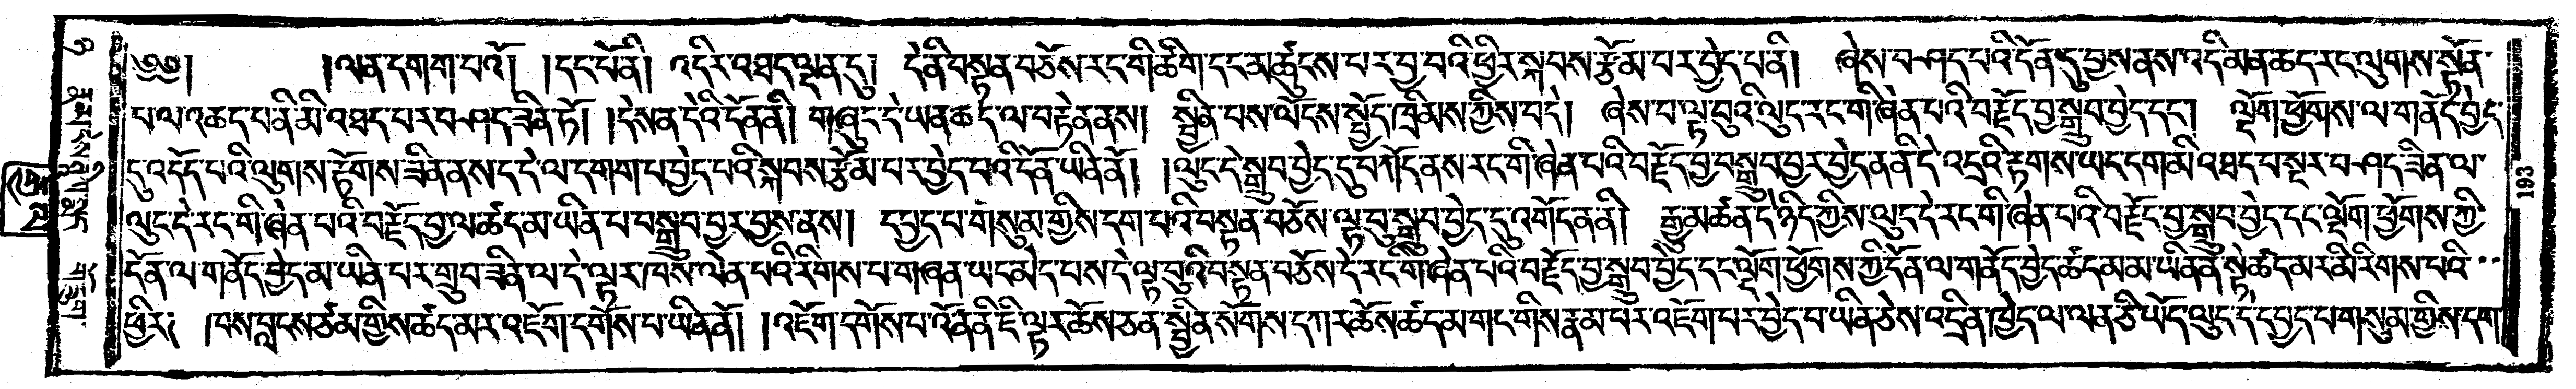༄༅། །ལན་དགག་པའོ། །དང་པོ་ནི། འདིར་འཐད་ལྡན་དུ། དེ་ནི་བསྟན་བཅོས་རང་གི་ཚིག་དང་མཚུངས་པར་བྱ་བའི་ཕྱིར་སྐབས་རྩོམ་པར་བྱེད་པ་ནི། ཞེས་བཤད་པའི་དོན་དུ་བྱས་ནས་འདི་མན་ཆད་རང་ལུགས་སྟོན་
པ་ལ་འཆད་པ་ནི་མི་འཐད་པར་བཤད་ཟིན་ཏོ། །དེས་ན་དེའི་དོན་ནི། གཞུང་དེ་ཡན་ཆད་ལ་བརྟེན་ནས། སྦྱིན་པས་ལོངས་སྤྱོད་ཁྲིམས་ཀྱིས་བདེ། ཞེས་པ་ལྟ་བུའི་ལུང་རང་གི་ཞེན་པའི་བརྗོད་བྱ་སྒྲུབ་བྱེད་དང་། ལྡོག་ཕྱོགས་ལ་གནོད་བྱེད་
དུ་འདོད་པའི་ལུགས་རྟོགས་ཟིན་ནས་ད་དེ་ལ་དགག་པ་བྱེད་པའི་སྐབས་རྩོམ་པར་བྱེད་པའི་དོན་ཡིན་ནོ། །ལུང་དེ་སྒྲུབ་བྱེད་དུ་བཀོད་ནས་རང་གི་ཞེན་པའི་བརྗོད་བྱ་བསྒྲུབ་བྱར་བྱེད་ན་ནི་དེ་འདྲའི་རྟགས་ཡང་དག་མི་འཐད་པ་སྔར་བཤད་ཟིན་ལ་
ལུང་དེ་རང་གི་ཞེན་པའི་བརྗོད་བྱ་ལ་ཚད་མ་ཡིན་པ་བསྒྲུབ་བྱར་བྱས་ནས། དཔྱད་པ་གསུམ་གྱིས་དག་པའི་བསྟན་བཅོས་ལྟ་བུ་སྒྲུབ་བྱེད་དུ་འགོད་ན་ནི། རྒྱུ་མཚན་དེ་ཉིད་ཀྱིས་ལུང་དེ་རང་གི་ཞེན་པའི་བརྗོད་བྱ་སྒྲུབ་བྱེད་དང་ལྡོག་ཕྱོགས་ཀྱི་
དོན་ལ་གནོད་བྱེད་མ་ཡིན་པར་གྲུབ་ཟིན་ལ་དེ་ལྟར་ཁས་ལེན་པའི་རིགས་པ་གཞན་ཡང་མེད་པས་དེ་ལྟ་བུའི་བསྟན་བཅོས་དེ་རང་གི་ཞེན་པའི་བརྗོད་བྱ་སྒྲུབ་བྱེད་དང་ལྡོག་ཕྱོགས་ཀྱི་དོན་ལ་གནོད་བྱེད་ཚད་མ་མ་ཡིན་ན་སྟེ་ཚད་མར་མི་རིགས་པའི་
ཕྱིར༑ ཁས་བླངས་ཙམ་གྱིས་ཚད་མར་འཇོག་དགོས་པ་ཡིན་ནོ། །འཇོག་དགོས་པ་འོ་ན་ནི་ཇི་ལྟར་ཆོས་ཅན་སྦྱིན་སོགས་དཀར་ཆོས་ཚད་མ་གང་གིས་རྣམ་པར་འཇོག་པར་བྱེད་པ་ཡིན་ཅེས་འདྲི་ན་ཁྱེད་ལ་ལན་ཅི་ཡོད་ལུང་དེ་དཔྱད་པ་གསུམ་གྱིས་དག་